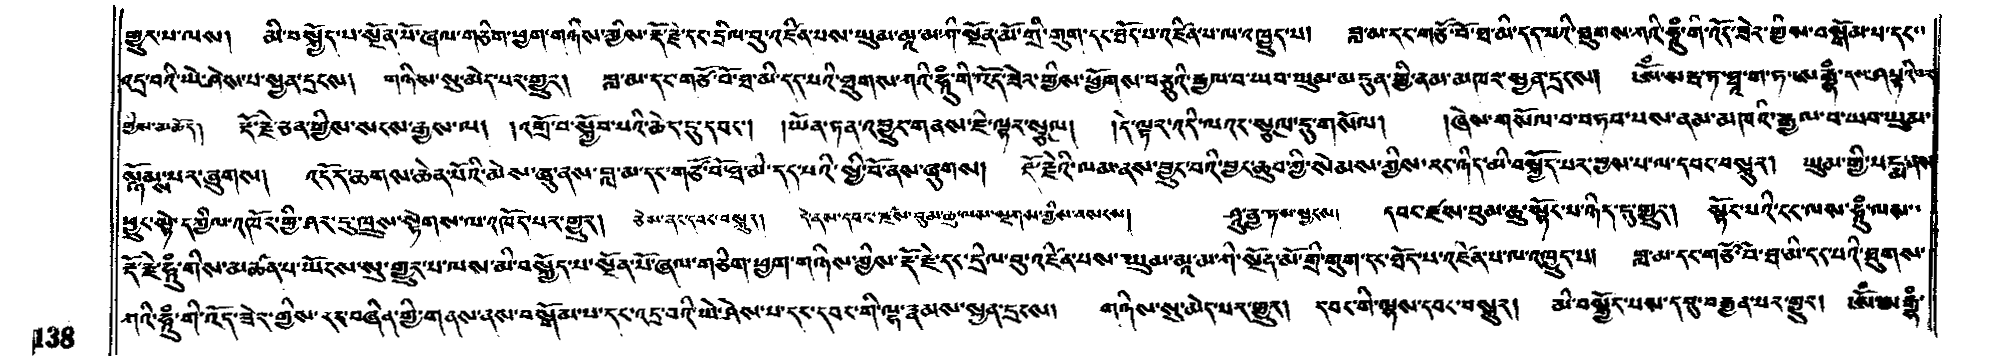གྱུར་པ་ལས། མི་བསྐྱོད་པ་སྔོན་པོ་ཞལ་གཅིག་ཕྱག་གཉིས་ཀྱིས་རྡོ་རྗེ་དང་དྲིལ་བུ་འཛིན་པས་ཡུམ་མཱ་མ་ཀི་སྔོན་མོ་གྲི་གུག་དང་ཐོད་པ་འཛིན་པ་ལ་འཁྱུད་པ། བླ་མ་དང་གཙོ་བོ་ཐ་མི་དད་པའི་ཐུགས་ཀའི་ཧཱུཾ་གི་འོད་ཟེར་གྱིས་བསྒོམ་པ་དང་
འདྲ་བའི་ཡེ་ཤེས་པ་སྤྱན་དྲངས། གཉིས་སུ་མེད་པར་གྱུར། བླ་མ་དང་གཙོ་བོ་ཐ་མི་དད་པའི་ཐུགས་ཀའི་ཧཱུཾ་གི་འོད་ཟེར་གྱིས་ཕྱོགས་བཅུའི་རྒྱལ་བ་ཡབ་ཡུམ་མདུན་གྱི་ནམ་མཁར་སྤྱན་དྲངས། ཨོཾ་སརྦ་ཏ་ཐཱ་ག་ཏ་ཨརྒྷཾ་ནས་ཤཔྟའི་བར་
གྱིས་མཆོད། རྡོ་རྗེ་ཅན་གྱིས་སངས་རྒྱས་ལ། །འགྲོ་བ་སྐྱོབ་པའི་ཆེད་དུ་དབང་། །ཡོན་ཏན་འབྱུང་གནས་ཇི་ལྟར་སྩལ། །དེ་ལྟར་འདི་ལའང་སྩལ་དུ་གསོལ། །ཞེས་གསོལ་བ་བཏབ་པས་ནམ་མཁའི་རྒྱལ་བ་ཡབ་ཡུམ་
སྙོམས་པར་ཞུགས། འདོད་ཆགས་ཆེན་པོའི་མེས་ཞུ་ནས་བླ་མ་དང་གཙོ་བོ་ཐ་མི་དད་པའི་སྤྱི་བོ་ནས་ཞུགས། རྡོ་རྗེའི་ལམ་ནས་བྱུང་བའི་བྱང་ཆུབ་ཀྱི་སེམས་ཀྱིས་རང་ཉིད་མི་བསྐྱོད་པར་བྱས་པ་ལ་དབང་བསྐུར། ཡུམ་གྱི་པདམ་ནས་
ཕྱུང་སྟེ་དཀྱིལ་འཁོར་གྱི་ཤར་དུ་ཁྲུས་སྟེགས་ལ་འཁོད་པར་གྱུར། ཅེས་ནང་དབང་བསྐུར། དེ་ནས་དབང་རྫས་བུམ་ཆུ་ལས་སྔགས་ཀྱིས་བསངས།  ཤཱུ་ནྱ་ཏ་ས་སྦྱངས།  དབང་རྫས་བུམ་ཆུ་སྟོང་པ་ཉིད་དུ་གྱུར། སྟོང་པའི་ངང་ལས་ཧཱུཾ་ལས་
རྡོ་རྗེ་ཧཱུཾ་གིས་མཚན་པ་ཡོངས་སུ་གྱུར་པ་ལས་མི་བསྐྱོད་པ་སྔོན་པོ་ཞལ་གཅིག་ཕྱག་གཉིས་ཀྱིས་རྡོ་རྗེ་དང་དྲིལ་བུ་འཛིན་པས་ཡུམ་མཱ་མ་ཀི་སྔོན་མོ་གྲི་གུག་དང་ཐོད་པ་འཛིན་པ་ལ་འཁྱུད་པ། བླ་མ་དང་གཙོ་བོ་ཐ་མི་དད་པའི་ཐུགས་
ཀའི་ཧཱུཾ་གི་འོད་ཟེར་གྱིས་རང་བཞིན་གྱི་གནས་ནས་སྒོམ་པ་དང་འདྲ་བའི་ཡེ་ཤེས་པ་དང་དབང་གི་ལྷ་རྣམས་སྤྱན་དྲངས། གཉིས་སུ་མེད་པར་གྱུར། དབང་གི་ལྷས་དབང་བསྐུར། མི་བསྐྱོད་པས་དབུ་བརྒྱན་པར་གྱུར། ཨོཾ་ཨརྒྷཾ་